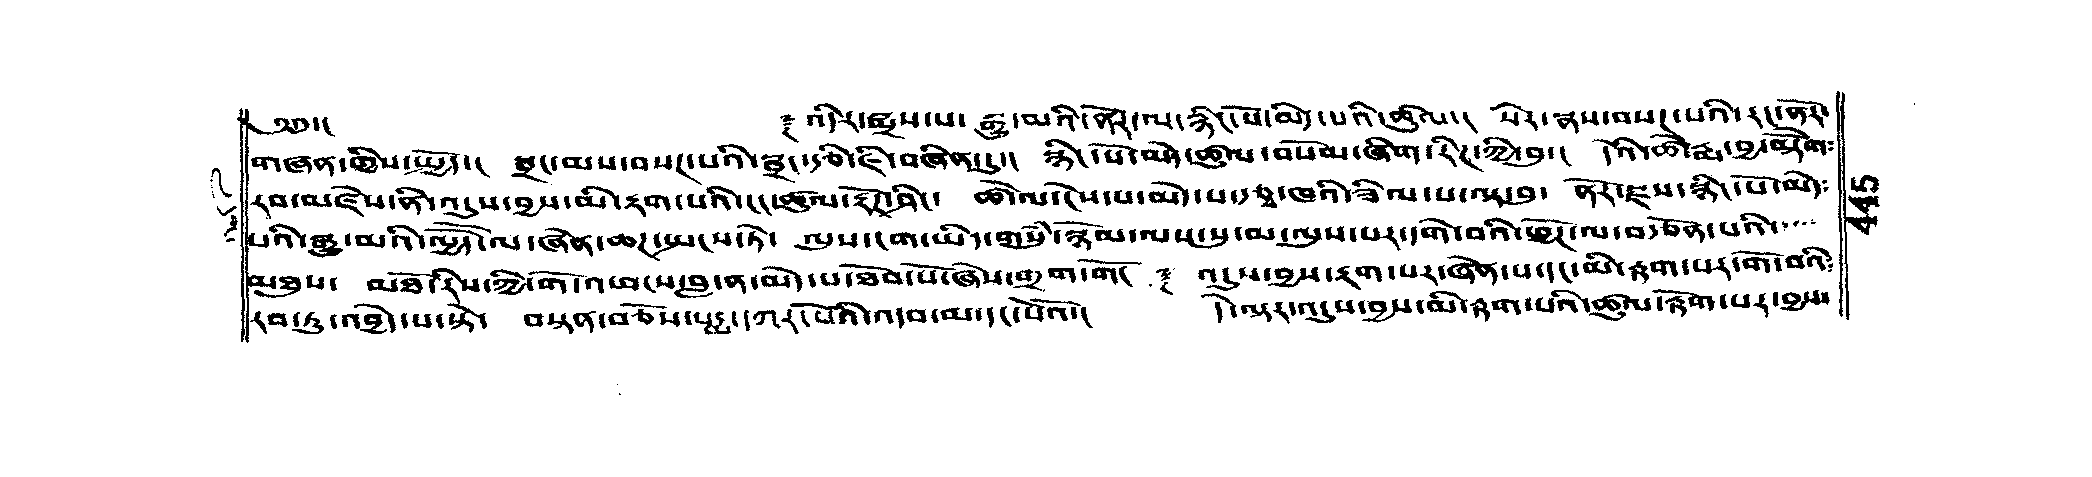འདིར་སྨྲས་པ། སྒྱུ་མའི་ནོར་ལ་སྙིང་པོ་མེད་པའི་ཚུལ། །སེར་སྣས་བསགས་པའི་རང་ནོར་
གཞན་གྱིས་སྤྱོད། །སྦྲང་མས་བསགས་པའི་སྦྲང་རྩི་ཇི་བཞིན་དུ། །སྙིང་པོ་མེད་ཚུལ་སོམ་ཞིག་རིགས་ཀྱི་བུ། དེའི་ཚེ་རྨ་བྱ་མེ་ཏོག་
རབ་མཛེས་ནི་འདུས་བྱས་མི་རྟག་པའི་ངང་ཚུལ་རྟོགས་ཤིང་། ཚེ་ལ་ངེས་པ་མེད་པ་རྩྭ་ཁའི་ཟིལ་པ་ལྟ་བུ།ནོར་རྫས་སྙིང་པོ་མེད་
པའི་སྒྱུ་མའི་ལོངས་སྤྱོད་ལ་ཞེན་ཆགས་སྤངས་ཏེ། ལུས་ངག་ཡིད་གསུམ་སྙོམ་ལས་སུ་མ་ལུས་པར་དགེ་བའི་ཕྱོགས་ལ་བརྩོན་པའི་
མཐུས། མཐོ་རིས་ཀྱི་གོ་འཕང་བླ་ན་མེད་པ་ཐོབ་པོ་ཞེས་གྲག་གོ འདུས་བྱས་རྟག་པར་ཞེན་པ་དང་མི་རྟག་པར་གོ་བའི་
རབ་ཏུ་འབྱེད་པ་སྟེ། བསྟན་བཅོས་པདྨ་དཀར་པོའི་འདབ་མ་དང་པོའོ། དེ་ལྟར་འདུས་བྱས་མི་རྟག་པའི་ཚུལ་རྟོགས་པར་བྱས་